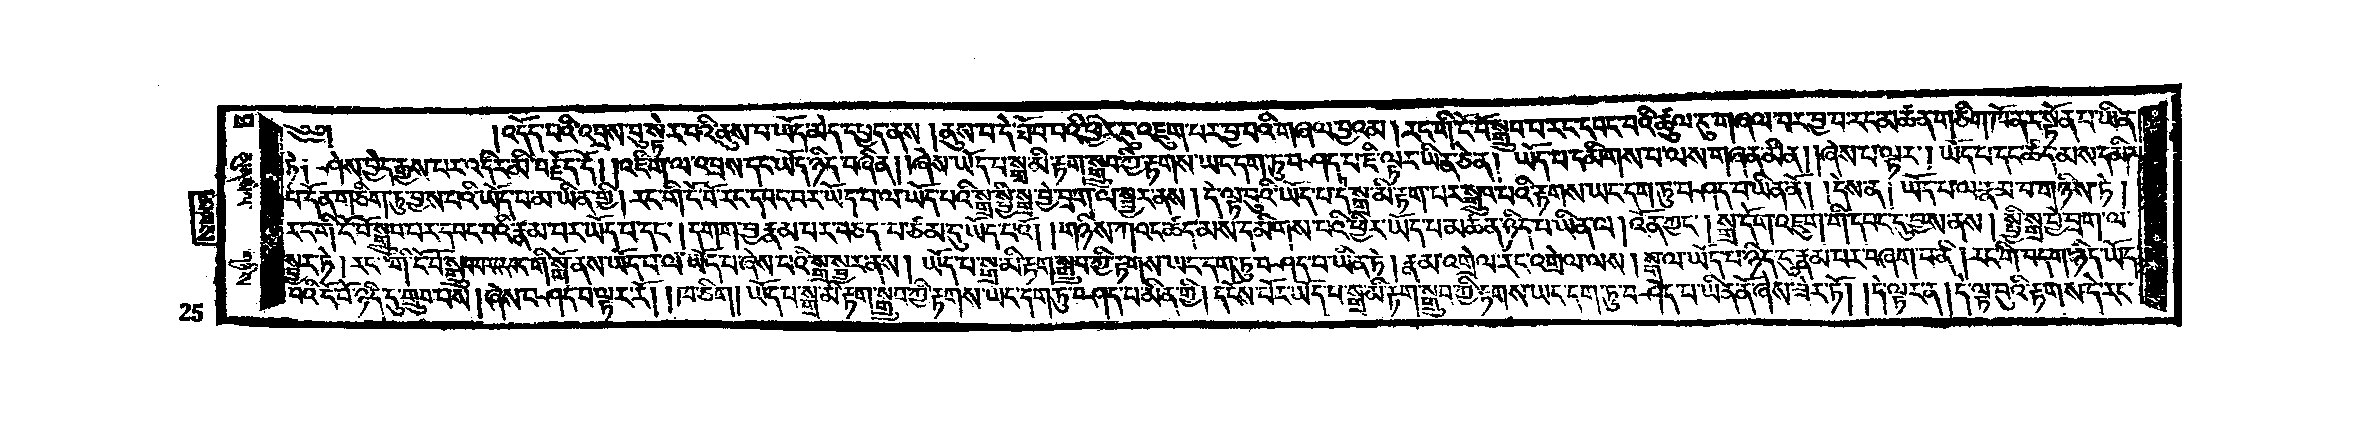༄༅། །འདོད་པའི་འབྲས་བུ་སྟེར་བའི་ནུས་པ་ཡོད་མེད་དཔྱད་ནས། ནུས་པ་དེ་ཐོབ་པའི་ཕྱིར་དུ་འཇུག་པར་བྱ་བའི་གཞལ་བྱའམ། རང་གི་ངོ་བོ་སྒྲུབ་པ་རང་དབང་བའི་ཚུལ་དུ་གཞལ་བར་བྱ་བ་རང་མཚན་གཅིག་ཁོ་ནར་སྟོན་པ་ཡིན་
ཏེ༑ ཤེས་བྱེད་རྒྱས་པར་འདིར་མི་བརྗོད་དོ། །འཇིག་ལ་འབྲས་དང་ཡོད་ཉིད་བཞིན། །ཞེས་ཡོད་པ་སྒྲ་མི་རྟག་སྒྲུབ་ཀྱི་རྟགས་ཡང་དག་ཏུ་བཤད་པ་ཇི་ལྟར་ཡིན་ཅེ་ན། ཡོད་པ་དམིགས་པ་ལས་གཞན་མིན། །ཞེས་པ་ལྟར། ཡོད་པ་དང་ཚད་མས་དམིཌ་
པ་དོན་གཅིག་ཏུ་བྱས་པའི་ཡོད་པ་མ་ཡིན་གྱི། རང་གི་ངོ་བོ་རང་དབང་བར་ཡོད་པ་ལ་ཡོད་པའི་སྒྲ་སྤྱི་སྒྲ་བྱེ་བྲག་ལ་སྦྱར་ནས། དེ་ལྟ་བུའི་ཡོད་པ་དེ་སྒྲ་མི་རྟག་པར་སྒྲུབ་པའི་རྟགས་ཡང་དག་ཏུ་བཤད་པ་ཡིན་ནོ། །དེས་ན། ཡོད་པ་ལ་རྣམ་པ་གཉིས་ཏེ།
རང་གི་ངོ་བོ་སྒྲུབ་པར་དབང་བའི་རྣམ་པར་ཡོད་པ་དང་། དགག་བྱ་རྣམ་པར་བཅད་པ་ཙམ་དུ་ཡོད་པའོ། །གཉིས་ཀའང་ཚད་མས་དམིགས་པའི་ཕྱིར་ཡོད་པ་མཚན་ཉིད་པ་ཡིན་ལ། འོན་ཀྱང་། སྒྲ་དོག་འཇུག་གི་དབང་དུ་བྱས་ནས། སྤྱི་སྒྲ་བྱེ་བྲག་ལ་
སྦྱར་ཏེ། རང་གི་ངོ་བོ་སྒྲུབ་པ་རང་དབང་གི་སྒོ་ནས་ཡོད་པ་ལ་ཡོད་པ་ཞེས་པའི་སྒྲ་སྦྱར་ནས། ཡོད་པ་སྒྲ་མི་རྟག་སྒྲུབ་ཀྱི་རྟགས་ཡང་དག་ཏུ་བཤད་པ་ཡིན་ཏེ། རྣམ་འགྲེལ་རང་འགྲེལ་ལས། སྒྲ་ལ་ཡོད་པ་ཉིད་དུ་རྣམ་པར་བཞག་པ་ནི། རང་གི་བདག་ཉིད་ཡོད་
པའི་ངོ་བོ་ཉིད་དུ་གྲུབ་པས། ཞེས་བཤད་པ་ལྟར་རོ། །ཁ་ཅིག། ཡོད་པ་སྒྲ་མི་རྟག་སྒྲུབ་ཀྱི་རྟགས་ཡང་དག་ཏུ་བཤད་པ་མིན་གྱི། དངོས་པོར་ཡོད་པ་སྒྲ་མི་རྟག་སྒྲུབ་ཀྱི་རྟགས་ཡང་དག་ཏུ་བཤད་པ་ཡིན་ནོ་ཞེས་ཟེར་ཏོ། །དེ་ལྟར་ན། དེ་ལྟ་བུའི་རྟགས་དེ་རང་